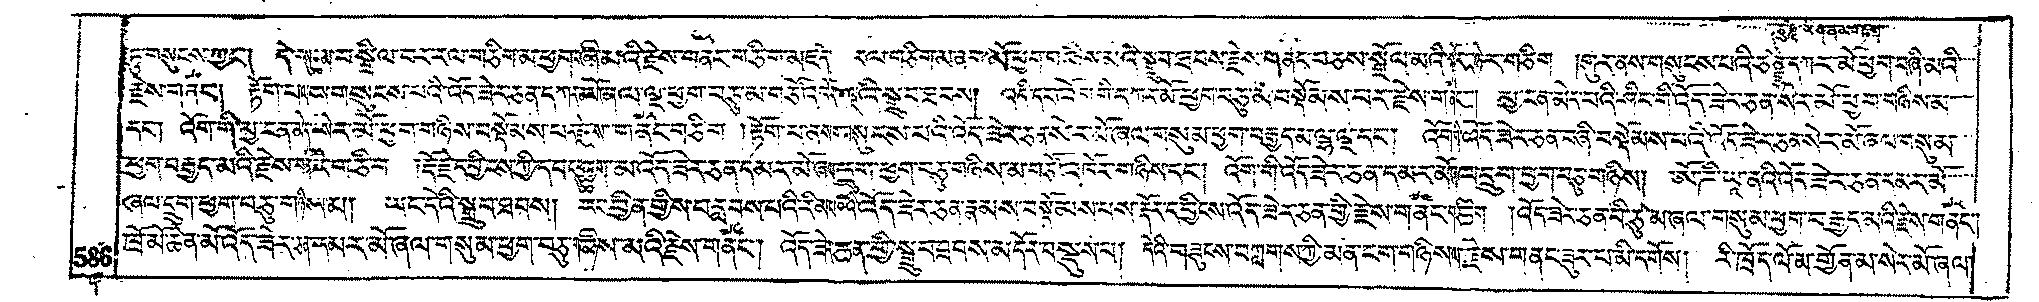ཏུ་གསུངས་ཀྱང་། དེ་གསུམ་བསྒྲིལ་བར་རལ་གཅིག་མ་ཕྱག་བཞི་མའི་རྗེས་གནང་གཅིག་མཛད། རལ་གཅིག་མ་ནག་མོ་ཕྱག་གཉིས་མའི་སྒྲུབ་ཐབས་རྗེས་གནང་བཅས་སྒྲོལ་མའི་སྐོར་ཉེར་གཅིག །གུར་ནས་གསུངས་པའི་ཙནྡྷ་ཙུཎྜ་ཡིན་ནམ་བརྟག་?་དཀར་མོ་ཕྱག་བཞི་མའི་
རྗེས་གནང་། རྟོག་པ་ལས་གསུངས་པའི་འོད་ཟེར་ཅན་དཀར་མོ་ཞལ་ལྔ་ཕྱག་བཅུ་མ་གཙོ་འཁོར་ལྔའི་སྒྲུབ་ཐབས། འདི་དང་འོག་གི་དཀར་མོ་ཕྱག་བཅུ་མ་བསྡོམས་པར་རྗེས་གནང་། མྱ་ངན་མེད་པའི་ཤིང་གི་འོད་ཟེར་ཅན་སེར་མོ་ཕྱག་གཉིས་མ་
དང་། འོག་གི་མྱ་ངན་མེད་སེར་མོ་ཕྱག་གཉིས་བསྡོམས་པར་རྗེས་གནང་གཅིག །རྟོག་པ་ནས་གསུངས་པའི་འོད་ཟེར་ཅན་སེར་མོ་ཞལ་གསུམ་ཕྱག་བརྒྱད་མ་ལྷ་ལྔ་དང་། འོག་གོ་འོད་ཟེར་ཅན་བཞི་བསྡོམས་པའི་འོད་ཟེར་ཅན་སེར་མོ་ཞལ་གསུམ་
ཕྱག་བརྒྱད་མའི་རྗེས་གནང་གཅིག །རྡོ་རྗེ་དབྱིངས་ཀྱི་དབང་ཕྱུག་མ་འོད་ཟེར་ཅན་དམར་མོ་ཞལ་དྲུག་ཕྱག་བཅུ་གཉིས་མ་གཙོ་འཁོར་གཉིས་དང་། འོག་གི་འོད་ཟེར་ཅན་དམར་མོ་ཞལ་དྲུག་ཕྱག་བཅུ་གཉིས། ཨོ་ཌི་ཡཱ་ནའི་འོད་ཟེར་ཅན་དམར་མོ་
ཞལ་དྲུག་ཕྱག་བཅུ་གཉིས་མ། ཡང་དེའི་སྒྲུབ་ཐབས། རང་བྱིན་གྱིས་བརླབས་པའི་རིམ་པའི་འོད་ཟེར་ཅན་རྣམས་བསྡོམས་པས་རྡོར་དབྱིངས་འོད་ཟེར་ཅན་གྱི་རྗེས་གནང་གཅིག །འོད་ཟེར་ཅན་བི་ཙུ་མ་ཞལ་གསུམ་ཕྱག་བརྒྱད་མའི་རྗེས་གནང་
ཁྲོ་མོ་ཆེན་མོ་འོད་ཟེར་ཅན་དམར་མོ་ཞལ་གསུམ་ཕྱག་བཅུ་གཉིས་མའི་རྗེས་གནང་། འོད་ཟེར་ཅན་གྱི་སྒྲུབ་ཐབས་མདོར་བསྡུས་པ། དེའི་གཟུངས་བཀླགས་ཀྱི་མན་ངག་གཉིས་ལ་རྗེས་གནང་ཟུར་པ་མི་དགོས། རི་ཁྲོད་ལོ་མ་གྱོན་མ་སེར་མོ་ཞལ་